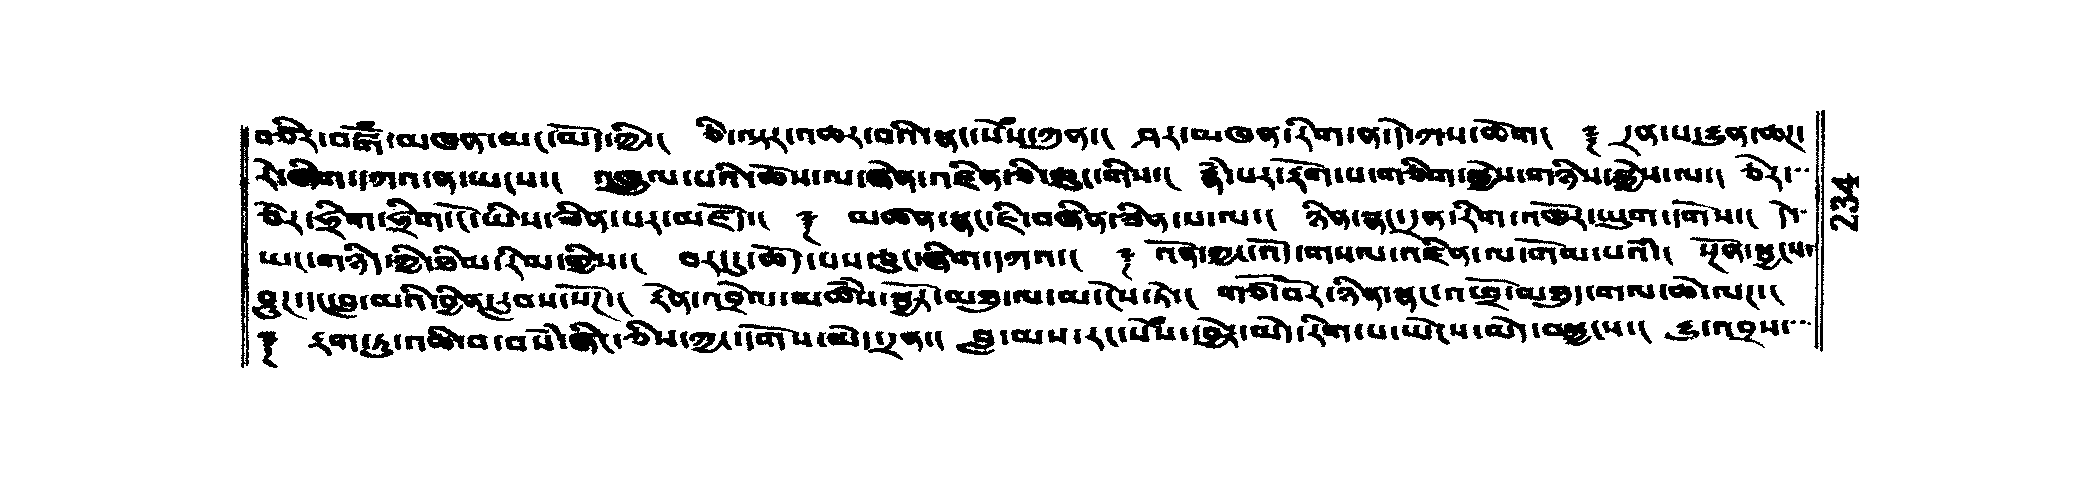བཙིར་བསྒོམ་མཁན་མང་མོད་ཀྱི། །ཅི་ལྟར་འཆར་བའི་སྣང་སེམས་ཀུན། །ཤར་མཁན་རིག་ན་དེ་ཀས་ཆོག ༈ དྲན་པ་རྒྱུན་ཆགས་
རེ་ཞིག་དཀའ་ན་ཡང་། །འཁྲུལ་པའི་ཆོས་ལ་ཞེན་འཛིན་ཅི་ཆུང་གིས། །རྣམ་པར་རྟོག་པ་གཅིག་སྐྱེས་གཉིས་སྐྱེས་ལ། །ཅེར་
ཅེར་ཧྲིག་ཧྲིག་ངོ་ཡིས་ཟིན་པར་མཛོད། ༈ མཚན་སྣང་ཇི་བཞིན་ཟིན་པ་ལ། །ཉིན་སྣང་དྲན་རིག་འཁོར་ཡུག་དགོས། །དེ་
ཡང་གཉིད་ཀྱིས་ཐིམ་རིམ་གྱིས། །བར་དུ་ཆོད་པས་ཅུང་ཞིག་དཀའ། ༈ འོན་ཀྱང་འོད་གསལ་འཛིན་ལ་གོམ་པའམ། །སྔོན་སྦྱངས་
ཤུགས་དང་བླ་མའི་བྱིན་རླབས་སོགས། །རྟེན་འབྲེལ་མཚམས་སྦྱོར་མཐུ་ལ་མ་ངེས་ཏེ། །གཙོ་བོར་ཉིད་སྣང་འཕྲོ་མཐུད་གལ་ཆེ་ལགས། 
༈ རྟག་ཏུ་འཆི་བ་བསམ་ཞིང་ཅིས་ཀྱང་དགོས་མེད་དྲན། །བླ་མས་རང་སེམས་དབྱེར་མེད་རིག་པ་ཡེངས་མེད་བསྐྱང་། །རྒྱུ་འབྲས་